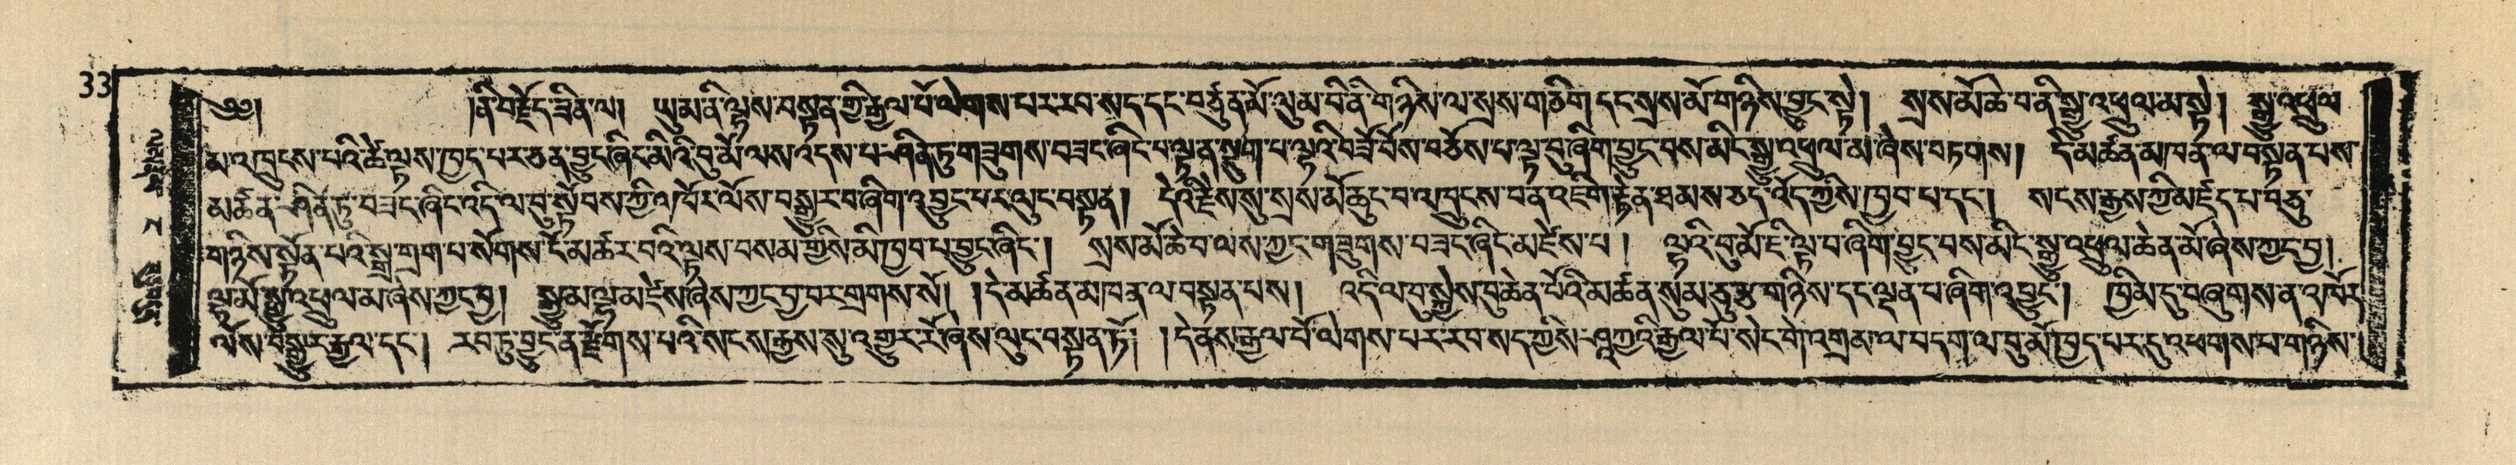༄༅། །ནི་བརྗོད་ཟིན་ལ། ཡུམ་ནི་ལྷས་བསྟན་གྱི་རྒྱལ་པོ་ལེགས་པར་རབ་སད་དང་བཙུན་མོ་ལུམ་བི་ནི་གཉིས་ལ་སྲས་གཅིག་དང་སྲས་མོ་གཉིས་བྱུང་སྟེ། སྲས་མོ་ཆེ་བ་ནི་སྒྱུ་འཕྲུལ་མ་སྟེ། སྒྱུ་འཕྲུལ་
མ་འཁྲུངས་པའི་ཚེ་ལྟས་ཁྱད་པར་ཅན་བྱུང་ཞིང་མིའི་བུ་མོ་ལས་འདས་པ་ཤིན་ཏུ་གཟུགས་བཟང་ཞིང་པ་ལྟ་ན་སྡུག་པ་ལྷའི་བཟོ་བོས་བཅོས་པ་ལྟ་བུ་ཞིག་བྱུང་བས་མིང་སྒྱུ་འཕྲུལ་མ་ཞེས་བཏགས། དེ་མཚན་མཁན་ལ་བསྟན་པས་
མཚན་ཤིན་ཏུ་བཟང་ཞིང་འདི་ལ་བུ་སྟོབས་ཀྱི་འཁོར་ལོས་བསྒྱུར་བ་ཞིག་འབྱུང་པར་ལུང་བསྟན། དེའི་རྗེས་སུ་སྲས་མོ་ཆུང་བ་འཁྲུངས་པ་ན་འཇིག་རྟེན་ཐམས་ཅད་འོད་ཀྱིས་ཁྱབ་པ་དང་། སངས་རྒྱས་ཀྱི་མཛད་པ་བཅུ་
གཉིས་སྟོན་པའི་སྒྲ་གྲག་པ་སོགས་ངོ་མཚར་བའི་ལྟས་བསམ་གྱིས་མི་ཁྱབ་པ་བྱུང་ཞིང་། སྲས་མོ་ཆེ་བ་ལས་ཀྱང་གཟུགས་བཟང་ཞིང་མཛེས་པ། ལྷའི་བུ་མོ་ཇི་ལྟ་བ་ཞིག་བྱུང་བས་མིང་སྒྱུ་འཕྲུལ་ཆེན་མོ་ཞེས་ཀྱང་བྱ།
ལྷ་མོ་སྒྱུ་འཕྲུལ་མ་ཞེས་ཀྱང་བྱ། སྒྱུ་མ་ལྷ་མཛེས་ཞེས་ཀྱང་བྱ་བར་གྲགས་སོ། །དེ་མཚན་མཁན་ལ་བསྟན་པས། འདི་ལ་བུ་སྐྱེས་བུ་ཆེན་པོའི་མཚན་སུམ་ཅུ་རྩ་གཉིས་དང་ལྡན་པ་ཞིག་འབྱུང་། ཁྱིམ་དུ་བཞུགས་ན་འཁོར་
ལོས་བསྒྱུར་རྒྱལ་དང་། རབ་ཏུ་བྱུང་ན་རྫོགས་པའི་སངས་རྒྱས་སུ་འགྱུར་རོ་ཞེས་ལུང་བསྟན་ཏོ། །དེ་ནས་རྒྱལ་པོ་ལེགས་པར་རབ་སད་ཀྱིས་ཤཱཀྱའི་རྒྱལ་པོ་སེང་གེ་འགྲམ་ལ་བདག་ལ་བུ་མོ་ཁྱད་པར་དུ་འཕགས་པ་གཉིས།